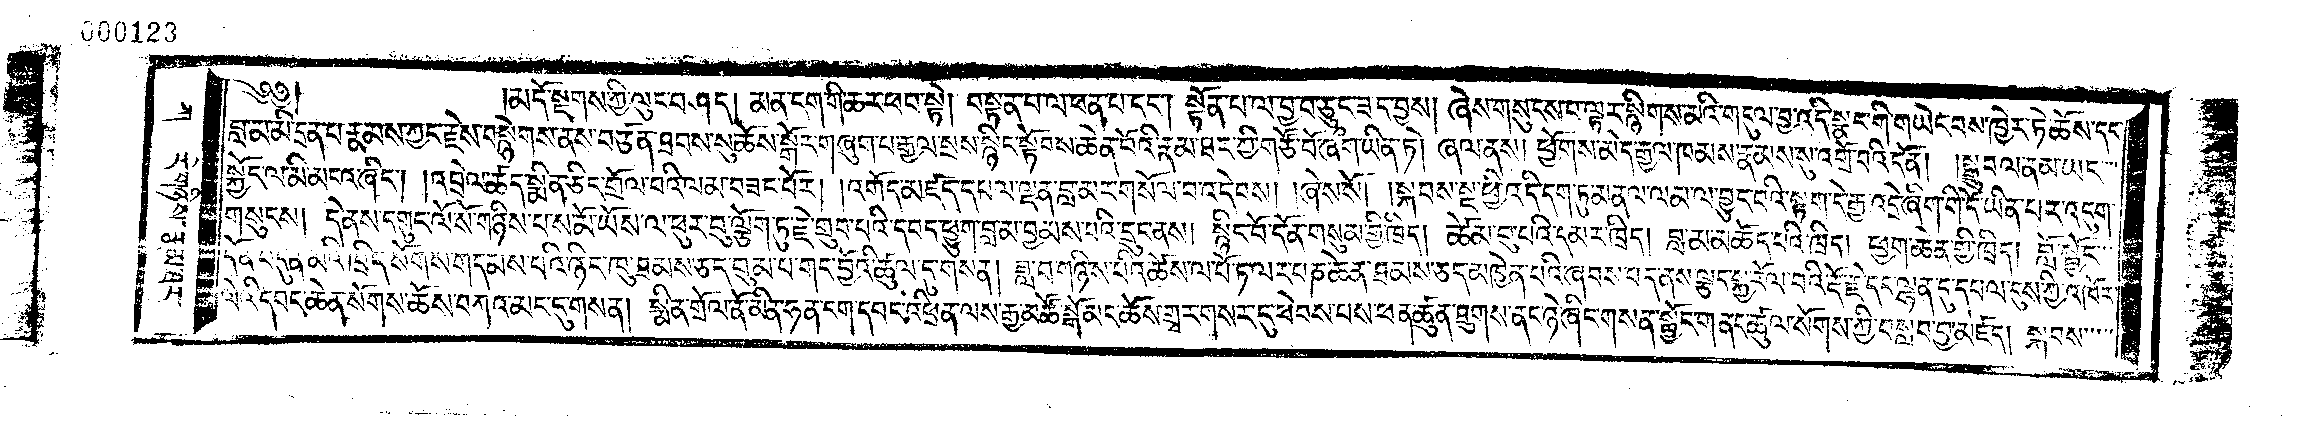༄༅། །མདོ་སྔགས་ཀྱི་ལུང་བཤད། མན་ངག་གི་ཆར་ཕབ་སྟེ། བསྟན་པ་ལ་ཕན་པ་དང་། སྟོན་པ་ལ་བྱ་བ་ཅུང་ཟད་བྱས། ཞེས་གསུངས་པ་ལྟར་སྙིགས་མའི་གདུལ་བྱ་འདི་སྣང་གི་གཡེང་བས་ཁྱེར་ཏེ་ཆོས་དང་
བླ་མ་མི་དྲན་པ་རྣམས་ཀྱང་རྗེས་བསྙེགས་ནས་བཙན་ཐབས་སུ་ཆོས་སྒོར་གཞུག་པ་རྒྱལ་སྲས་སྙིང་སྟོབས་ཆེན་པོའི་རྣམ་ཐར་ཀྱི་གཙོ་བོ་ཞིག་ཡིན་ཏེ། ཞལ་ནས། ཕྱོགས་མེད་རྒྱལ་ཁམས་རྣམས་སུ་འགྲོ་བའི་དོན། །སྒྲུབ་ལ་ནམ་ཡང་
སྐྱོ་ངལ་མི་མངའ་ཞིང་། །འབྲེལ་ཚད་སྨིན་ཅིང་གྲོལ་བའི་ལམ་བཟང་པོར། །འགོད་མཛད་དཔལ་ལྡན་བླ་མར་གསོལ་བ་འདེབས། །ཞེས་སོ། །སྐབས་སྔ་ཕྱི་འདི་དག་ཏུ་མནལ་ལམ་ལ་བྱུང་བའི་སྟག་དེ་རྒྱ་འདྲེ་ཞིག་གི་ངོ་ཡིན་པར་འདུག་
གསུངས། དེ་ནས་དགུང་ལོ་སོ་གཉིས་པས་མོ་ཡོས་ལ་ཕུར་བུ་ལྕོག་ཏུ་རྗེ་གྲུབ་པའི་དབང་ཕྱུག་བླ་མ་བྱམས་པའི་དྲུང་ནས། སྙིང་པོ་དོན་གསུམ་གྱི་ཁྲིད། ཚེམ་བུ་པའི་དམར་ཁྲིད། བླ་མ་མཆོད་པའི་ཁྲིད། ཕྱག་ཆེན་གྱི་ཁྲིད། བློ་སྦྱོང་
དོན་བདུན་མའི་ཁྲིད་སོགས་གདམས་པའི་ཉིང་ཁུ་ཐམས་ཅད་བུམ་པ་གང་བྱོའི་ཚུལ་དུ་གསན། ཟླ་བ་གཉིས་པའི་ཚེས་ལ་པོ་ཏ་ལར་པཎ་ཆེན་ཐམས་ཅད་མཁྱེན་པའི་ཞབས་པད་ནས་ལྕང་སྐྱ་རོལ་པའི་རྡོ་རྗེ་དང་ལྷན་དུ་དཔལ་དུས་ཀྱི་འཁོར་
ལོའི་དབང་ཆེན་སོགས་ཆོས་བཀའ་མང་དུ་གསན། སྨིན་གྲོལ་ནོ་མིན་ཧན་ངག་དབང་འཕྲིན་ལས་རྒྱ་མཚོ་སྒོ་མང་ཆོས་གྲྭར་གསར་དུ་ཕེབས་པས་ཕན་ཚུན་ཐུགས་ནང་ཉེ་ཞིང་གསན་སྦྱོང་གནང་ཚུལ་སོགས་ཀྱི་བསླབ་བྱ་མཛད། སྐབས་